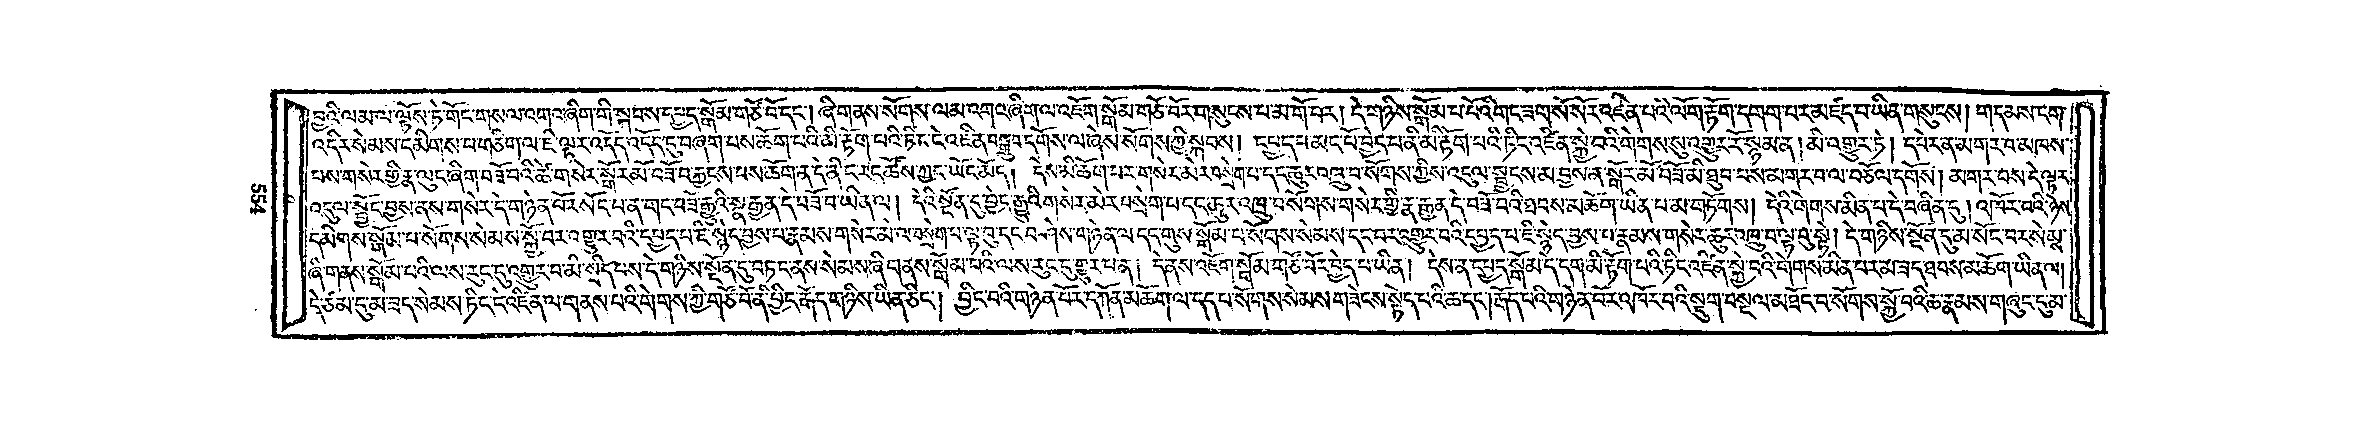བྱའི་ལམ་ལ་ལྟོས་ཏེ་གོང་གསལ་འགའ་ཞིག་གི་སྐབས་དཔྱད་སྒོམ་གཙོ་བོ་དང་། ཞི་གནས་སོགས་ལམ་འགའ་ཞིག་ལ་འཇོག་སྒོམ་གཙོ་བོར་གསུངས་པ་མ་གོ་བར། དེ་གཉིས་སྒོམ་པ་པོའི་གང་ཟག་སོ་སོར་འཛིན་པའི་ལོག་རྟོག་དགག་པར་མཛད་པ་ཡིན་གསུངས། གདམས་ངག་
འདིར་སེམས་དམིགས་པ་གཅིག་ལ་ཇི་ལྟར་འདོད་འདོད་དུ་བཞག་པས་ཆོག་པའི་མི་རྟོག་པའི་ཏིང་ངེ་འཛིན་བསྒྲུབ་དགོས་ལ་ཞེས་སོགས་ཀྱི་སྐབས། དཔྱད་པ་མང་པོ་བྱེད་པ་ནི་མི་རྟོག་པའི་ཏིང་འཛིན་སྐྱེ་བའི་གེགས་སུ་འགྱུར་རོ་སྙམ་ན། མི་འགྱུར་ཏེ། དཔེར་ན་མགར་བ་མཁས་
པས་གསེར་གྱི་རྣ་ལུང་ཞིག་བཟོ་བའི་ཚེ་གསེར་སྒོར་མོ་བཟོ་བ་རྐྱངས་པས་ཆོག་ན་དེ་ནི་ང་རང་ཚོས་ཀྱང་ཡོང་མོད། དེས་མི་ཆོག་པར་གསེར་མེར་བསྲེག་པ་དང་ཆུར་འཁྲུ་བ་སོགས་ཀྱིས་འདུལ་སྦྱངས་མ་བྱས་ན་སྒོར་མོ་བཟོ་མི་ཐུབ་པས་མགར་བ་ལ་བཅོལ་དགོས། མགར་བས་དེ་ལྟར་
འདུལ་སྦྱོང་བྱས་ནས་གསེར་དེ་གཉེན་པོར་སོང་པ་ན་གང་བཟོ་རྒྱུའི་སྣ་རྒྱན་དེ་བཟོ་བ་ཡིན་ལ། དེའི་སྔོན་དུ་བྱེད་རྒྱུའི་གསེར་མེར་བསྲེག་པ་དང་ཆུར་འཁྲུ་བ་སོགས་གསེར་གྱི་རྣ་རྒྱན་དེ་བཟོ་བའི་ཐབས་མཆོག་ཡིན་པ་མ་གཏོགས། དེའི་གེགས་མིན་པ་དེ་བཞིན་དུ། འཁོར་བའི་ཉེས་
དམིགས་སྒོམ་པ་སོགས་སེམས་སྐྱོ་བར་འགྱུར་བའི་དཔྱད་པ་ཇི་སྙེད་བྱས་པ་རྣམས་གསེར་མེ་ལ་བསྲེག་པ་ལྟ་བུ་དང་བཤེས་གཉེན་ལ་དད་གུས་སྒོམ་པ་སོགས་སེམས་དང་བར་འགྱུར་བའི་དཔྱད་པ་ཇི་སྙེད་བྱས་པ་རྣམས་གསེར་ཆུར་འཁྲུ་བ་ལྟ་བུ་སྟེ། དེ་གཉིས་སྔོན་དུ་མ་སོང་བར་སེམས་
ཞི་གནས་སྒོམ་པའི་ལས་རུང་དུ་འགྱུར་བ་མི་སྲིད་པས་དེ་གཉིས་སྔོན་དུ་བཏང་ནས་སེམས་ཞི་གནས་སྒོམ་པའི་ལས་རུང་དུ་གྱུར་པ་ན། དེ་ནས་འཇོག་སྒོམ་གཙོ་བོར་བྱེད་པ་ཡིན། དེས་ན་དཔྱད་སྒོམ་དེ་དག་མི་རྟོག་པའི་ཏིང་འཛིན་སྐྱེ་བའི་གེགས་མིན་པར་མ་ཟད་ཐབས་མཆོག་ཡིན་ལ།
དེ་ཙམ་དུ་མ་ཟད་སེམས་ཏིང་ངེ་འཛིན་ལ་གནས་པའི་གེགས་ཀྱི་གཙོ་བོ་ནི་བྱིང་རྒོད་གཉིས་ཡིན་ཅིང་། བྱིང་བའི་གཉེན་པོར་དཀོན་མཆོག་ལ་དད་པ་སོགས་སེམས་གཟེངས་སྟེད་པའི་ཆ་དང་། རྒོད་པའི་གཉེན་པོར་འཁོར་བའི་སྡུག་བསྔལ་མཐོང་བ་སོགས་སྐྱོ་བའི་ཆ་རྣམས་གཞུང་དུ་མ་